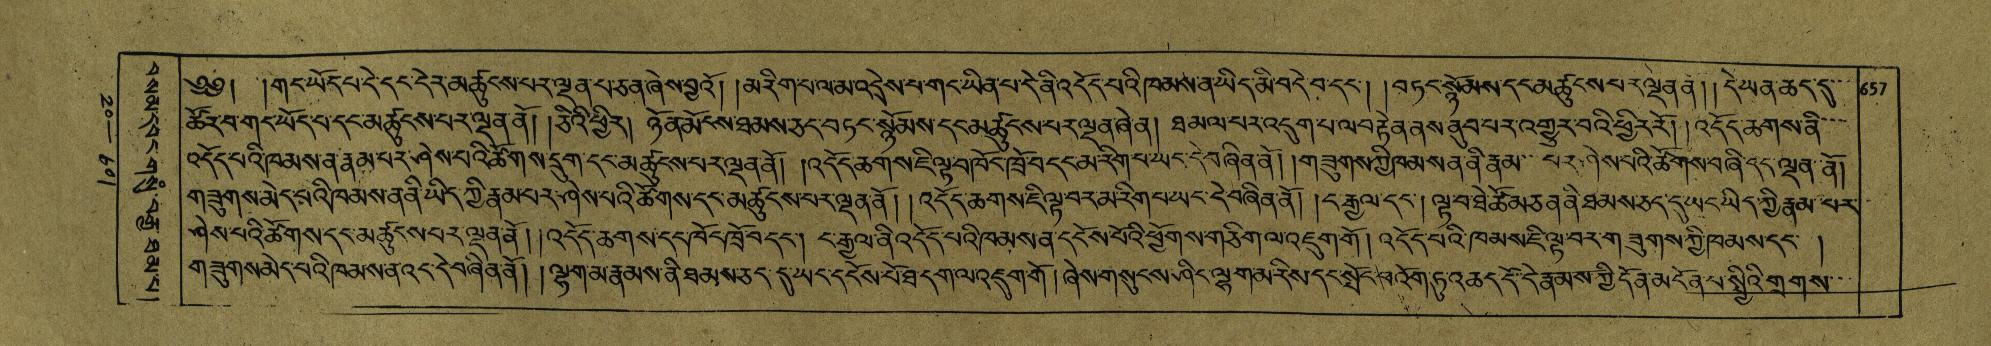༄༅། །གང་ཡོད་པ་དེ་དང་དེར་མཚུངས་པར་ལྡན་པ་ཅན་ཞེས་བྱའོ། །མ་རིག་པ་ལ་མ་འདྲེས་པ་གང་ཡིན་པ་དེ་ནི་འདོད་པའི་ཁམས་ན་ཡིད་མི་བདེ་བ་དང་། །བཏང་སྙོམས་དང་མཚུངས་པར་ལྡན་ནོ། །དེ་ཡན་ཆད་དུ་
ཚོར་བ་གང་ཡོད་པ་དང་མཚུངས་པར་ལྡན་ནོ། །ཅིའི་ཕྱིར། ཉོན་མོངས་ཐམས་ཅད་བཏང་སྙོམས་དང་མཚུངས་པར་ལྡན་ཞེ་ན། ཐ་མལ་པར་འདུག་པ་ལ་བརྟེན་ནས་ནུབ་པར་འགྱུར་བའི་ཕྱིར་རོ། །འདོད་ཆགས་ནི་
འདོད་པའི་ཁམས་ན་རྣམ་པར་ཤེས་པའི་ཚོགས་དྲུག་དང་མཚུངས་པར་ལྡན་ནོ། །འདོད་ཆགས་ཇི་ལྟ་བ་ཁོང་ཁྲོ་བ་དང་མ་རིག་པ་ཡང་དེ་བཞིན་ནོ། །གཟུགས་ཀྱི་ཁམས་ན་ནི་རྣམ་པར་ཤེས་པའི་ཚོགས་བཞི་དང་ལྡན་ནོ།
གཟུགས་མེད་པའི་ཁམས་ན་ནི་ཡིད་ཀྱི་རྣམ་པར་ཤེས་པའི་ཚོགས་དང་མཚུངས་པར་ལྡན་ནོ། །འདོད་ཆགས་ཇི་ལྟ་བར་མ་རིག་པ་ཡང་དེ་བཞིན་ནོ། །ང་རྒྱལ་དང་། ལྟ་བ་ཐེ་ཚོམ་ཅན་ནི་ཐམས་ཅད་དུ་ཡང་ཡིད་ཀྱི་རྣམ་པར་
ཤེས་པའི་ཚོགས་དང་མཚུངས་པར་ལྡན་ནོ། །འདོད་ཆགས་དང་ཁོང་ཁྲོ་བ་དང་། ང་རྒྱལ་ནི་འདོད་པའི་ཁམས་ན་དངོས་པོའི་ཕྱོགས་གཅིག་ལ་འཇུག་གོ ། འདོད་པའི་ཁམས་ཇི་ལྟ་བར་གཟུགས་ཀྱི་ཁམས་དང་།
གཟུགས་མེད་པའི་ཁམས་ནའང་དེ་བཞིན་ནོ། །ལྷག་མ་རྣམས་ནི་ཐམས་ཅད་དུ་ཡང་དངོས་པོ་ཐ་དག་ལ་འཇུག་གོ། ཞེས་གསུངས་ཤིང་ལྷག་མ་རིས་དང་སྤོང་བ་འོག་ཏུ་འཆད་དོ་དེ་རྣམས་ཀྱི་དོན་མངོན་པ་སྤྱིའི་གྲགས་